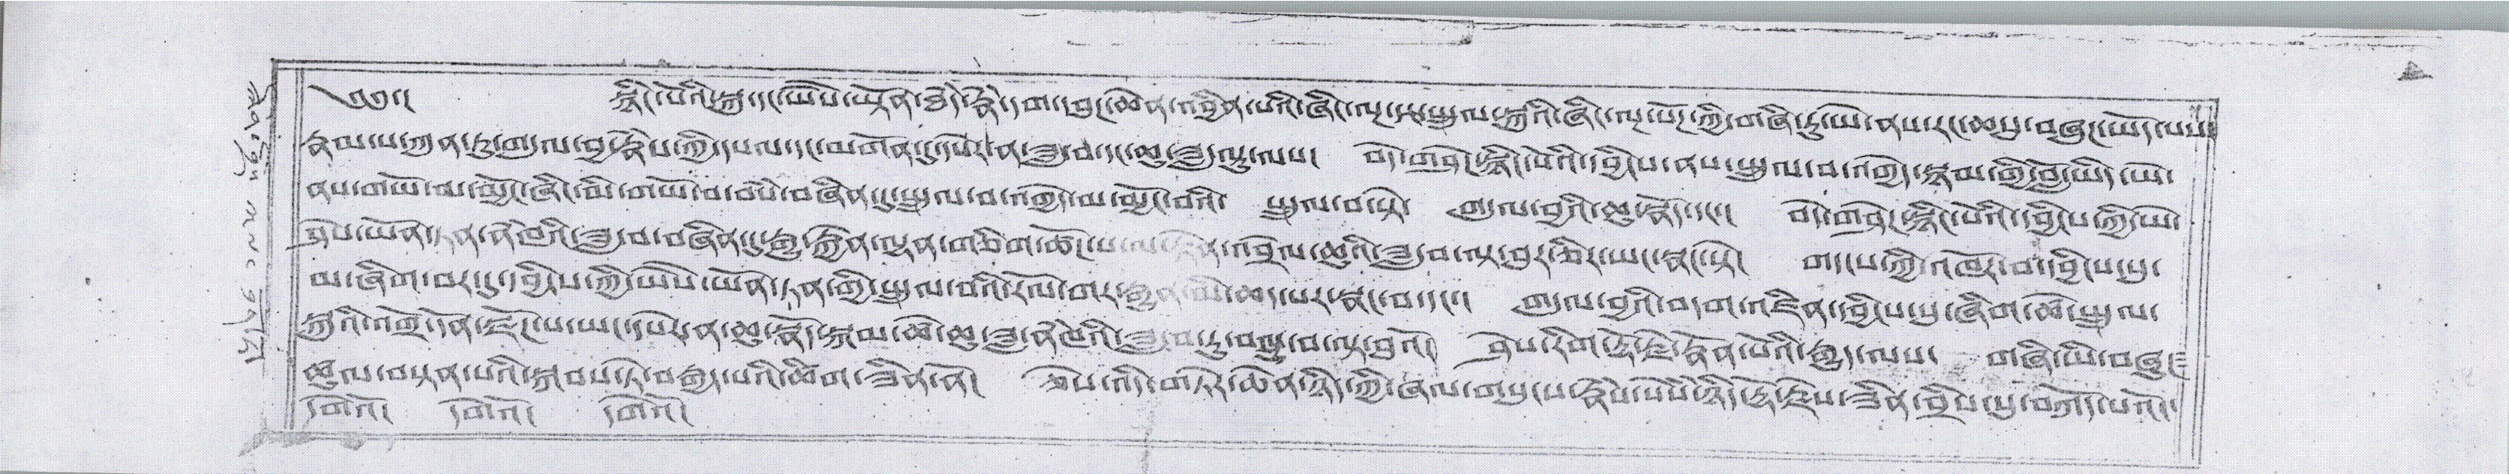སྙིང་པོའི་སྐུ་དང་ཡེ་ཤེས་ཡོན་ཏན་ཐམས་ཅད་རྣམ་དག་དབུགས་ཆེན་འབྱིན་པའི་ཞིང་ལྔ་དང་སྤྲུལ་སྐུའི་ཞིང་ལྔ་སོགས་ཀྱི་གཞི་རུ་ཡེ་ནས་རང་ཆས་སུ་བཞུགས་ཡོད་པས་
རྣམ་པ་ཀུན་ཏུ་གདུལ་བྱ་རྣམས་ཀྱི་དཔལ་དང་མགོན་དུ་དཔེར་ན་ཟླ་བ་དང་ཆུ་ཟླ་ལྟ་བུ་ལས། བདེ་གཤེགས་སྙིང་པའི་དབྱིངས་ནས་སྤྲུལ་པ་འགྱེད་སྙམ་གྱི་བློ་ཡིད་ཡེ་
ནས་གཡོ་མ་མྱོང་ཞིང་མི་གཡོ་བ་བསམ་བཞིན་དུ་སྤྲུལ་པ་འགྱེད་མ་མྱོང་བའི། སྤྲུལ་པ་སྟེ། གདུལ་བྱའི་ཆུ་སྣོིད་དང་། བདེར་གཤེགས་སྙིང་པོའི་དབྱིངས་ཀྱི་ཡེ་
ཤེས་ཡོན་ཏན་ནམ་མཁའི་ཟླ་བ་བཞིན་དུ་རྒྱུ་རྐྱེན་ལྷན་གཅིག་ཚོགས་པ་ལ་རྟེན་འབྲེལ་ཆུ་ཡི་ཟླ་བ་ལྟ་བུ་ཅིར་ཡང་སྣང་སྟེ། གདངས་ཀྱི་འཁོར་བ་དབྱིངས་སུ་
མ་ཞིག་བར་དུ་དབྱིངས་ཀྱི་ཡེ་ཤེས་ཀྱི་ཡོན་ཏན་སྤྲུལ་པའི་རོལ་གར་རྒྱུན་མི་ཆད་པར་སྣང་བ་དང་། གདུལ་བྱའི་བདག་འཛིན་དབྱིངས་སུ་ཞིག་ཚེ་སྤྲུལ་
སྐུའི་འགྲོ་དོན་རྫོགས་པ་ཡང་དཔེར་ན་ཆུ་སྣོད་སྐམ་ཚེ་ཆུ་ཟླ་ནམ་མཁའི་ཟླ་བ་རུ་བསྡུ་བ་ལྟ་བུའོ། ཤེས་རིག་རྡོ་རྗེ་རྣོན་པོའི་རྒྱུད་ལས། གཞིའི་བཞུགས་
ཚུལ་བསྟན་པའི་སྐབས་ཏེ་བརྒྱད་པའི་ཚིག་ཟིན་ནོ། །ཅེས་འདི་གཏེར་ཆེན་ཉིད་ཀྱི་ཞལ་གསུང་རྣམས་སེམས་ཉིད་རྡོ་རྗེས་ཟིན་བྲིས་སུ་བཀོད་པའོ། །
དགེའོ། དགེའོ། དགེའོ། །